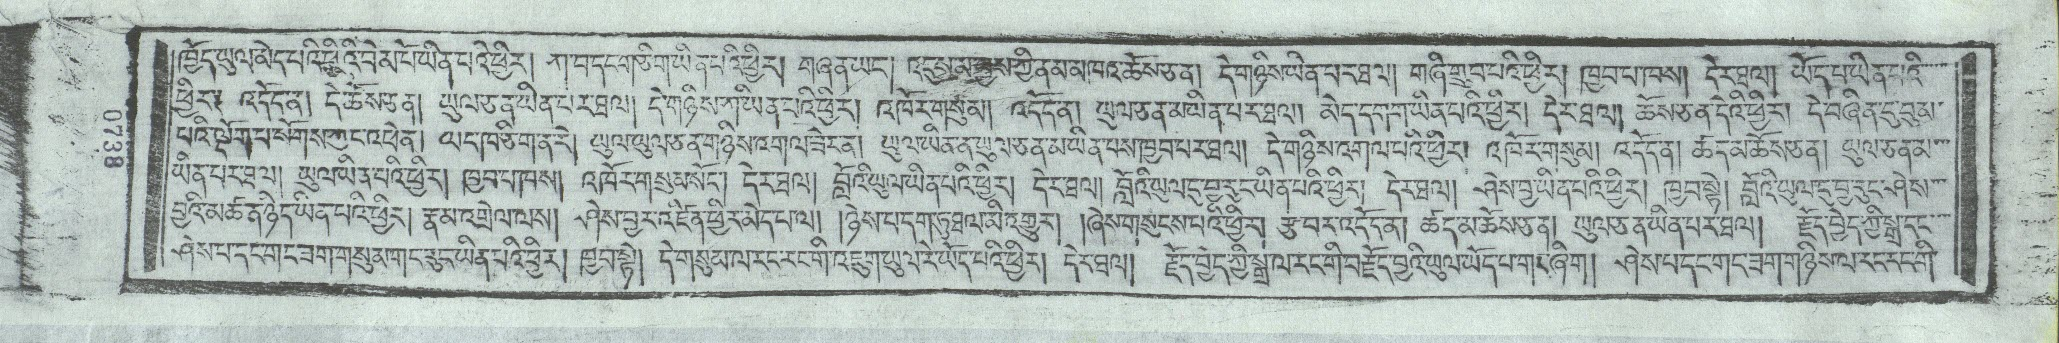ཁྱོད་ཡུལ་མེད་པའི་ཕྱིའི་བེམ་པོ་ཡིན་པའི་ཕྱིར། ཀ་བ་དང་གཅིག་ཡིན་པའི་ཕྱིར། གཞན་ཡང་། འདུས་མ་བྱས་ཀྱི་ནམ་མཁའ་ཆོས་ཅན། དེ་གཉིས་ཡིན་པར་ཐལ། གཞི་གྲུབ་པའི་ཕྱིར། ཁྱབ་པ་ཁས། དེར་ཐལ། ཡོད་པ་ཡིན་པའི་
ཕྱིར༑ འདོད་ན། དེ་ཆོས་ཅན། ཡུལ་ཅན་ཡིན་པར་ཐལ། དེ་གཉིས་ཀ་ཡིན་པའི་ཕྱིར། འཁོར་གསུམ། འདོད་ན། ཡུལ་ཅན་མ་ཡིན་པར་ཐལ། མེད་དགག་ཡིན་པའི་ཕྱིར། དེར་ཐལ། ཆོས་ཅན་དེའི་ཕྱིར། དེ་བཞིན་དུ་བུམ་
པའི་ལྡོག་པ་སོགས་ཀྱང་འཕེན། ཡང་ཁ་ཅིག་ན་རེ། ཡུལ་ཡུལ་ཅན་གཉིས་འགལ་ཟེར་ན། ཡུལ་ཡིན་ན་ཡུལ་ཅན་མ་ཡིན་པས་ཁྱབ་པར་ཐལ། དེ་གཉིས་འགལ་པའི་ཕྱིར། འཁོར་གསུམ། འདོད་ན། ཚད་མ་ཆོས་ཅན། ཡུལ་ཅན་མ་
ཡིན་པར་ཐལ། ཡུལ་ཡིན་པའི་ཕྱིར། ཁྱབ་པ་ཁས། འཁོར་གསུམ་སོང་། དེར་ཐལ། བློའི་ཡུལ་ཡིན་པའི་ཕྱིར། དེར་ཐལ། བློའི་ཡུལ་དུ་བྱ་རུང་ཡིན་པའི་ཕྱིར། དེར་ཐལ། ཤེས་བྱ་ཡིན་པའི་ཕྱིར། ཁྱབ་སྟེ། བློའི་ཡུལ་དུ་བྱ་རུང་ཤེས་
བྱའི་མཚན་ཉིད་ཡིན་པའི་ཕྱིར། རྣམ་འགྲེལ་ལས། ཤེས་བྱར་འཛིན་ཕྱིར་མེད་པ་ལ། །ཉེས་པ་དག་ཏུ་ཐལ་མི་འགྱུར། །ཞེས་གསུངས་པའི་ཕྱིར། རྩ་བར་འདོད་ན། ཚད་མ་ཆོས་ཅན། ཡུལ་ཅན་ཡིན་པར་ཐལ། རྗོད་བྱེད་ཀྱི་སྒྲ་དང་
ཤེས་པ་དང་གང་ཟག་གསུམ་གང་རུང་ཡིན་པའི་ཕྱིར། ཁྱབ་སྟེ། དེ་གསུམ་ལ་རང་རང་གི་འཇུག་ཡུལ་རེ་ཡོད་པའི་ཕྱིར། དེར་ཐལ། རྗོད་བྱེད་ཀྱི་སྒྲ་ལ་རང་གི་བརྗོད་བྱའི་ཡུལ་ཡོད་པ་གང་ཞིག། ཤེས་པ་དང་གང་ཟག་གཉིས་ལ་རང་རང་གི་